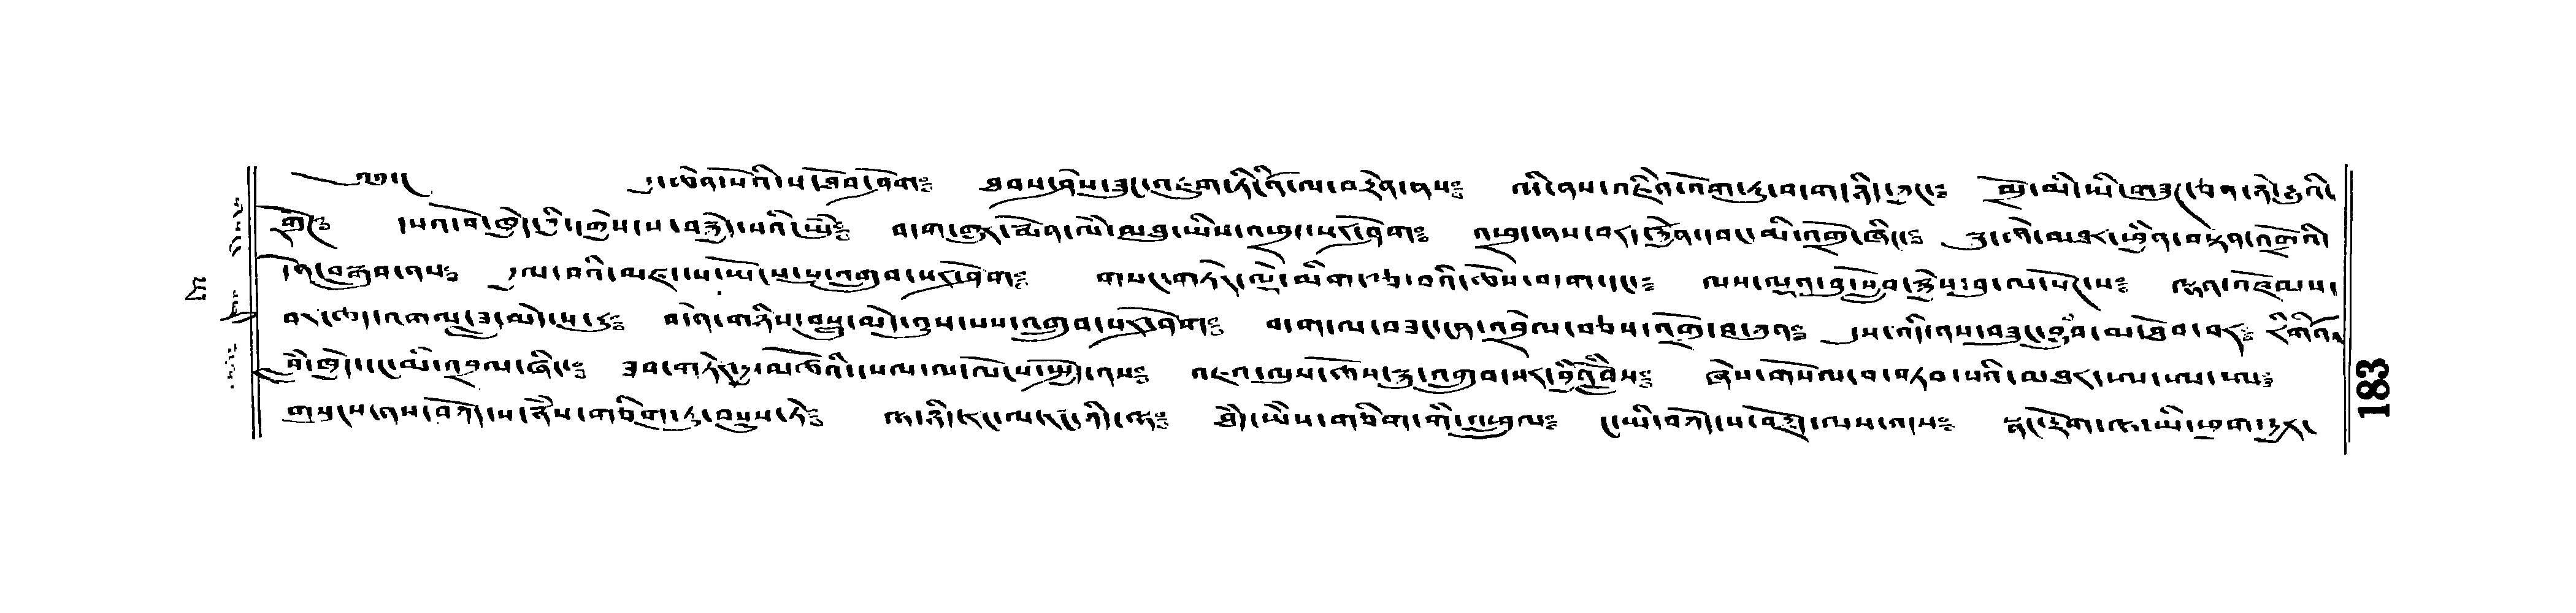རྒྱ་ཆེན་པོའི་ས་ཐོབ་ཤོག༔ ཐབས་ཤེས་ཟུང་འཇུག་ཏིང་འཛིན་ལ་བརྟེན་ནས༔ འདི་ནས་འཇིག་རྟེན་འོག་ཏུ་བདག་ཉིད་ཀྱང༔ མཁའ་འགྲོ་མི་ཡི་གཟུགས་ཅན་ཉེ་རྒྱུའི་
གྲོགས༔ དཔའ་བོ་ཁྱེད་ཀྱི་དགྱེས་པ་བསྐྱེད་པའི་ཡུམ༔ བདག་གྱུར་སྨོན་ལམ་མཐུ་ཡིས་འཕྲད་པར་ཤོག༔ འཕྲད་ནས་བར་ཆད་རྐྱེན་དབང་མི་འགྲོ་ཞིང༔ སྐུ་ཚེ་མཐར་ཕྱིན་བསྟན་འགྲོའི་
དོན་བསྒྲུབས་ནས༔ རྒྱལ་བའི་མཛད་པ་ཡོངས་སུ་འགྲུབ་པར་ཤོག༔ གསང་གཏེར་ལྡེ་མིག་རྩ་བའི་ཆོས་བདག་དང༔ ལས་ལྡན་བུ་སློབ་སྐྱེས་བུ་ལ་སོགས་པ༔ ལྷན་འཛོམས་
བར་ཆད་འགལ་ཟླ་མེད་པ་རུ༔ བདེན་གཉིས་བསླུ་མེད་ནུས་པས་འགྲུབ་པར་ཤོག༔ བདག་ལ་བཟང་ངན་འབྲེལ་བཅས་འགྲོ་བ་ཀུན༔དུས་འདི་ནས་བཟུང་བྱང་ཆུབ་མ་ཐོབ་བར༔ རིག་འཛིན་
བླ་མ་ཁྱེད་དང་མི་འབྲལ་ཞིང༔ ཟབ་གཏེར་རྒྱ་མཚོའི་དཔལ་ལ་ལོངས་སྤྱོད་ནས༔ འཇའ་ལུས་ཆོས་སྐུ་འགྲུབ་པར་བྱིན་གྱིས་རློབས༔ ཞེས་གསོལ་བ་བཏབ་པའི་མཐར་ཨ་ཨ་ཨཱཿ 
གསུངས་ནས་བཀོད་པ་རྣམས་གཅིག་ཏུ་བསྡུས་ཏེ༔ ལྷ་ཉིད་རང་ལ་རང་ཉིད་ལྷ༔ ཐམས་ཅད་ཡེ་ཤེས་གཅིག་གི་འཕྲུལ༔ ང་ཡི་བཀོད་པ་བརྗོད་ལས་འདས༔ སྣང་རྟོག་ལྷ་ཡི་ཕྱག་རྒྱར་